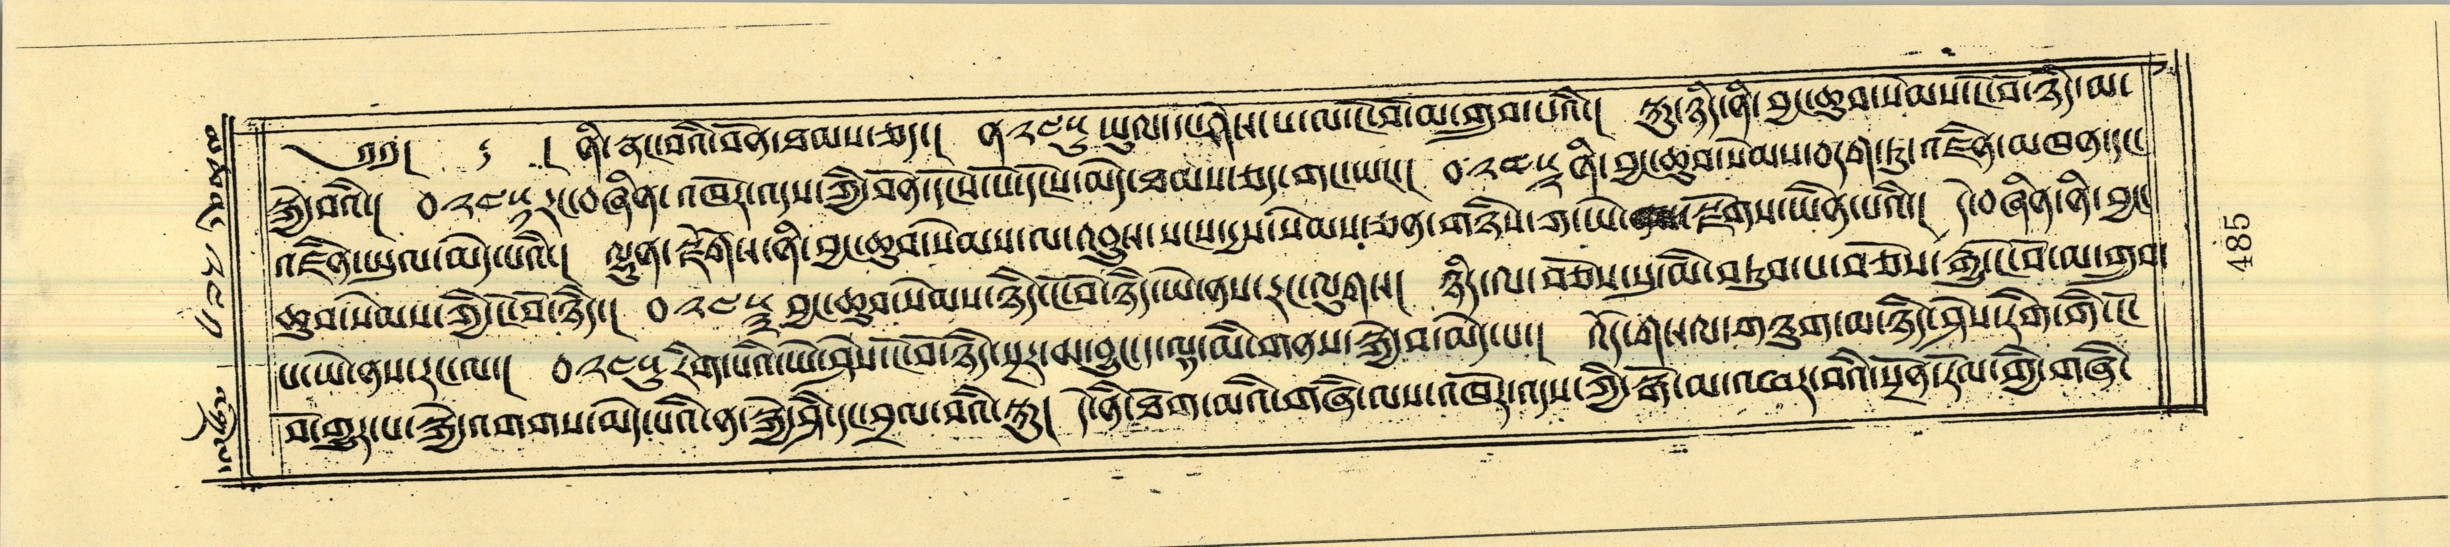ནི་སྣང་བའི་བོན་ཐམས་ཅད་ ན༢༤༥།༦ཡུལ་དང་ཤེས་པ་ལ་ངོ་བོ་མ་གྲུབ་པའི་ སྐུ་ཉིད་ནི་བྱང་ཆུབ་སེམས་ངོ་བོ་ཉིད་མ་
སྐྱེ་བའི་ བ༢༤༥།༢རང་བཞིན་འཁོར་འདས་ཀྱི་བོན་དངོས་པོ་དངོས་མེད་ཐམས་ཅད་གང་ཡང་ བ༢༤༥།༢་ནི་བྱང་ཆུབ་སེམས་བདག་ཏུ་འཛིན་མཁན་དང་
འཛིན་ཡུལ་མེད་པའི་ ལྷུན་རྫོགས་ནི་བྱང་ཆུབ་སེམས་ལ་འབྲས་བུ་སེམས་ཅན་སངས་རྒྱས་གཉིས་ཀ་ཡེ་རྫོིགས་ཡིན་པའི་ དེ་བཞིན་ནི་བྱང་
ཆུབ་སེམས་ཀྱི་ངོ་བོ་ཉིད་ བ༢༤༥།༣བྱང་ཆུབ་སེམས་ཉིད་ངོ་བོ་ཉིད་ཡེ་ནས་རང་ལུགས་ ཉིད་ལ་བཅོས་སུ་མི་བཏུབ་པ་བཅོས་རྒྱུ་ངོ་བོ་མ་གྲུབ་
པ་ཡེ་ནས་རང་ལ་ བ༢༢༥།༦རིག་པའི་ཡེ་ཤེས་ངོ་བོ་ཉིད་སྔར་མ་བྱུང་ད་ལྟ་མི་གནས་སྐྱེ་བ་མེད་པ། འོད་གསལ་གཉུག་མ་ཉིད་ཤེས་རིག་གི་ངོ་
བོ་མ་གྱུར་པ་སྐྱེ་འགག་མེད་པས་ན་སྐྱེ་ཤི་དང་བྲལ་བའི་སྐུ་ དེ་ནི་ཐོག་མའི་གཞི་ལས་འཁོར་འདས་ཀྱི་སྒོ་མ་འཕར་བའི་སྔོན་རོལ་གྱི་གཞི་